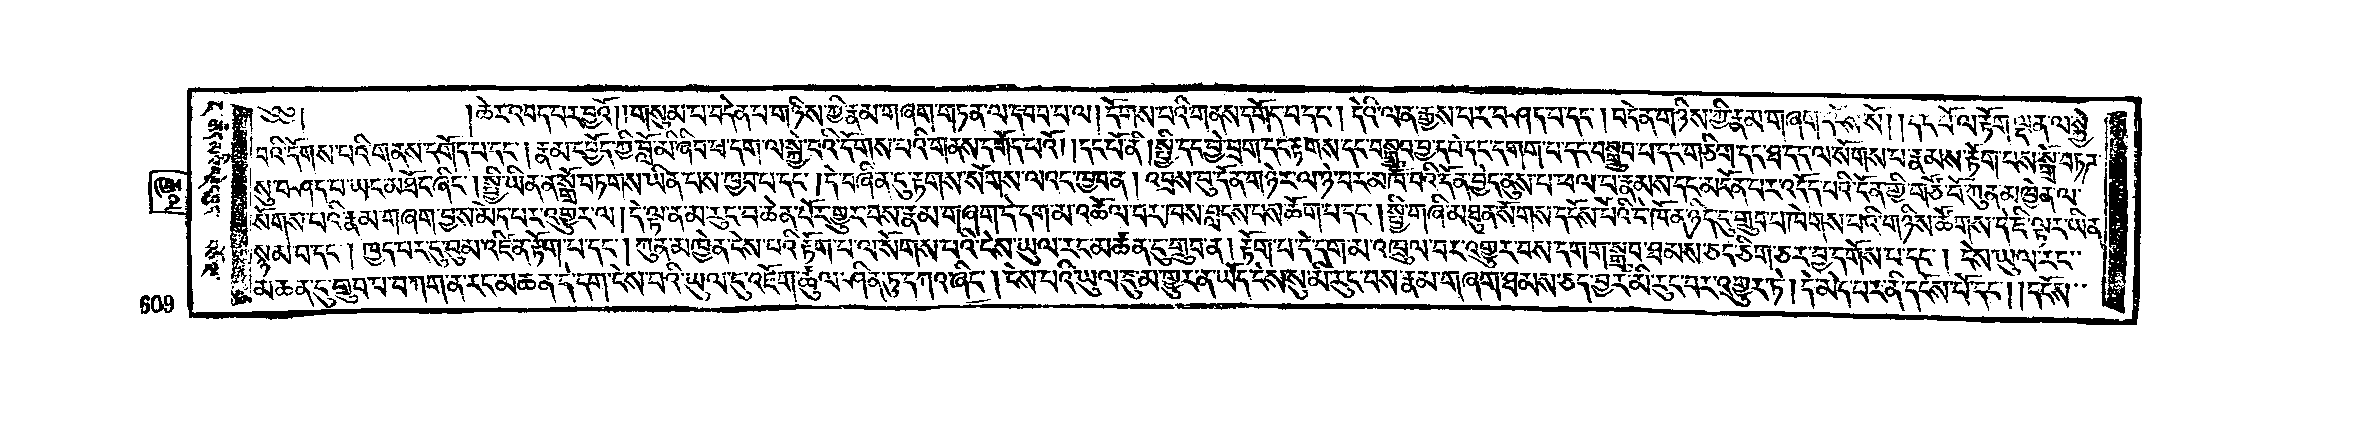༄༅། །ཆེར་འབད་པར་བྱའོ། །གསུམ་པ་བདེན་པ་གཉིས་ཀྱི་རྣམ་གཞག་གཏན་ལ་དབབ་པ་ལ། དོགས་པའི་གནས་དགོད་པ་དང་། དེའི་ལན་རྒྱས་པར་བཤད་པ་དང་། བདེན་གཉིས་ཀྱི་རྣམ་གཞག་དངོས་སོ། །དང་པོ་ལ་རྟོག་ལྡན་ལ་སྐྱེ་
བའི་དོགས་པའི་གནས་དགོད་པ་དང་། རྣམ་དཔྱོད་ཀྱི་བློ་མི་ཞིབ་པ་དག་ལ་སྐྱེ་བའི་དགོས་པའི་གནས་དགོད་པའོ། །དང་པོ་ནི་སྤྱི་དང་བྱེ་བྲག་དང་རྟགས་དང་བསྒྲུབ་བྱ་དཔེ་དང་དགག་པ་དང་བསྒྲུབ་པ་དང་གཅིག་དང་ཐ་དད་ལ་སོགས་པ་རྣམས་རྟོག་པས་སྒྲོ་བཏགས་
སུ་བཤད་པ་ཡང་མཐོང་ཞིང་། སྤྱི་ཡིན་ན་སྒྲོ་བཏགས་ཡིན་པས་ཁྱབ་པ་དང་། དེ་བཞིན་དུ་རྟགས་སོགས་ལའང་ཁྱབ་ན། འབྲས་བུ་དོན་གཉེར་ལ་ཉེ་བར་མཁོ་བའི་དོན་བྱེད་ནུས་པ་ཕལ་པ་རྣམས་དང་མངོན་པར་འདོད་པའི་དོན་གྱི་གཙོ་བོ་ཀུན་མཁྱེན་ལ་
སོགས་པའི་རྣམ་གཞག་བྱས་མེད་པར་དེའི་འགྱུར་ལ། དེ་ལྟ་ན་མ་རུང་བ་ཆེན་པོར་གྱུར་པས་རྣམ་གཞག་དེ་དག་མ་འཚོལ་བར་ཁས་བླངས་པས་ཆོག་པ་དང་། སྤྱི་གཞི་མཐུན་སོགས་དངོས་པོའི་དེ་ཁོ་ན་ཉིད་དུ་གྲུབ་པ་ཁེགས་པའི་གཉིས་ཚོགས་དེ་ཇི་ལྟར་ཡིན་
སྙམ་དང་། ཁྱད་པར་དུ་བུམ་འཛིན་རྟོག་དང་། ཀུན་མཁྱེན་ངེས་པའི་རྟོག་པ་ལ་སོགས་པའི་ངེས་ཡུལ་རང་མཚན་དུ་གྲུབ་ན། རྟོག་པ་དེ་དག་མ་འཁྲུལ་པར་འགྱུར་བས་དགག་སྒྲུབ་ཐམས་ཅད་ཅིག་ཅར་བྱ་དགོས་པ་དང་། དེས་ཡུལ་རང་
མཚན་དུ་གྲུབ་པ་བཀག་ན་རང་མཚན་དེ་དག་ངེས་པའི་ཡུལ་དུ་འཇོག་ཚུལ་ཤིན་ཏུ་དཀའ་ཞིང་། ངེས་པའི་ཡུལ་དུ་མ་གྱུར་ན་ཡོད་ངེས་སུ་མི་རུང་བས་རྣམ་གཞག་ཐམས་ཅད་བྱར་མི་རུང་བར་འགྱུར་ཏེ། དེ་མེད་པར་ནི་དངོས་པོ་དང་། །དངོས་